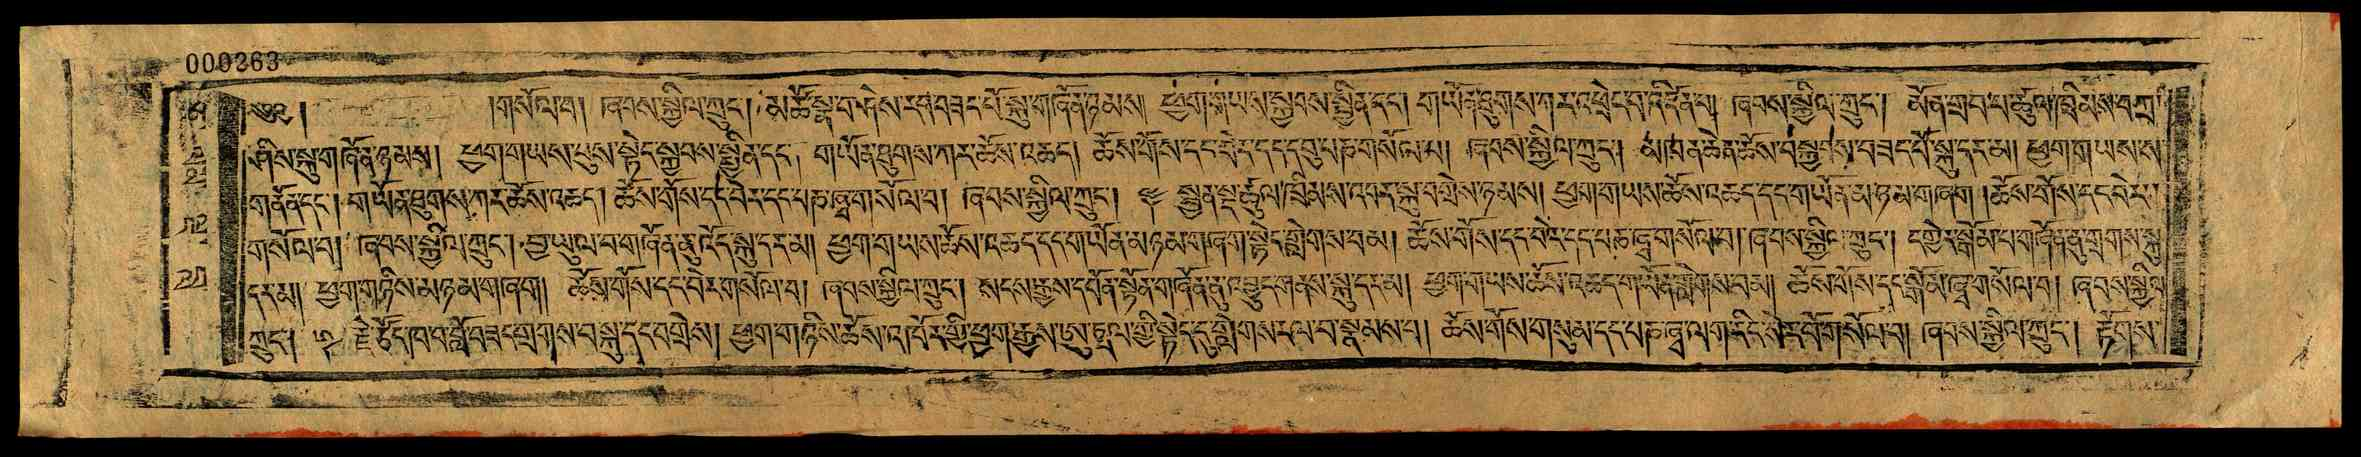༄༅། །གསོལ་བ། ཞབས་སྐྱིལ་ཀྲུང་། མཚོ་སྣ་བ་ཤེས་རབ་བཟང་པོ་སྐུ་གཞོན་ཉམས། ཕྱག་གཡས་སྐྱབས་སྦྱིན་དང་། གཡོན་ཐུགས་ཀར་འཕྲེང་བ་འཛིན་པ། ཞབས་སྐྱིལ་ཀྲུང་། མོང་གྲབ་པ་ཚུལ་ཁྲིམས་བཀྲ་
ཤིས་སྐུ་གཞོན་ཉམས། ཕྱག་གཡས་པུས་སྟེང་སྐྱབས་སྦྱིན་དང་། གཡོན་ཐུགས་ཀར་ཆོས་འཆད། ཆོས་གོས་དང་བེར་དང་དབུ་པཎ་གསོལ་བ། ཞབས་སྐྱིལ་ཀྲུང་། མཁན་ཆེན་ཆོས་བསྐྱབས་བཟང་པོ་སྐུ་དར་མ། ཕྱག་གཡས་ས་
གནོན་དང་། གཡོན་ཐུགས་ཀར་ཆོས་འཆད། ཆོས་གོས་དང་བར་དང་པཎ་ཞྭ་གསོལ་བ། ཞབས་སྐྱིལ་ཀྲུང་། འ་སྤྱན་སྔ་ཚུལ་ཁྲིམས་འབར་སྐུ་བགྲེས་ཉམས། ཕྱག་གཡས་ཆོས་འཆད་དང་གཡོན་མཉམ་གཞག །ཆོས་གོས་དང་བེར་
གསོལ་བ། ཞབས་སྐྱིལ་ཀྲུང་། བྱ་ཡུལ་བ་གཞོན་ནུ་འོད་སྐུ་དར་མ། ཕྱག་གཡས་ཆོས་འཆད་དང་གཡོན་མཉམ་གཞག་སྟེང་གླེགས་བམ། ཆོས་གོས་དང་བེར་དང་པཎ་ཞྭ་གསོལ་བ། ཞབས་སྐྱིལ་ཀྲུང་། དགྱེར་སྒོམ་པ་གཞོན་ནུ་གྲགས་
དར་མ། ཕྱག་གཉིས་མཉམ་གཞག། ཆོས་གོས་དང་པོར་གསོལ་བ། ཞབས་སྐྱིལ་ཀྲུང་། སངས་རྒྱས་དབོན་སྟོན་གཞོན་དུ་འབྱུང་གནས་སྐུ་དར་མ། ཕྱག་གཡས་ཆོས་འཆད་གཡོན་གླེགས་བམ། ཆོས་གོས་དང་སྒོམ་ཞྭ་གསོལ་བ། ཞབས་སྐྱིད་
ཀྲུང་། ༈ རྗེ་ཙོང་ཁ་པ་བློ་བཟང་གྲགས་པ་སྐུ་དར་བགྲེས། ཕྱག་གཉིས་ཆོས་འཁོར་གྱི་ཕྱག་རྒྱས་ཨུཏྤལ་གྱི་སྟེང་དུ་གླེགས་རལ་བསྣམས་པ། ཆོས་གོས་གསུམ་དང་པཎ་ཞྭ་ལག་རིང་སེར་པོ་གསོལ་བ། ཞབས་སྐྱིལ་ཀྲུང་། རྟོགས་